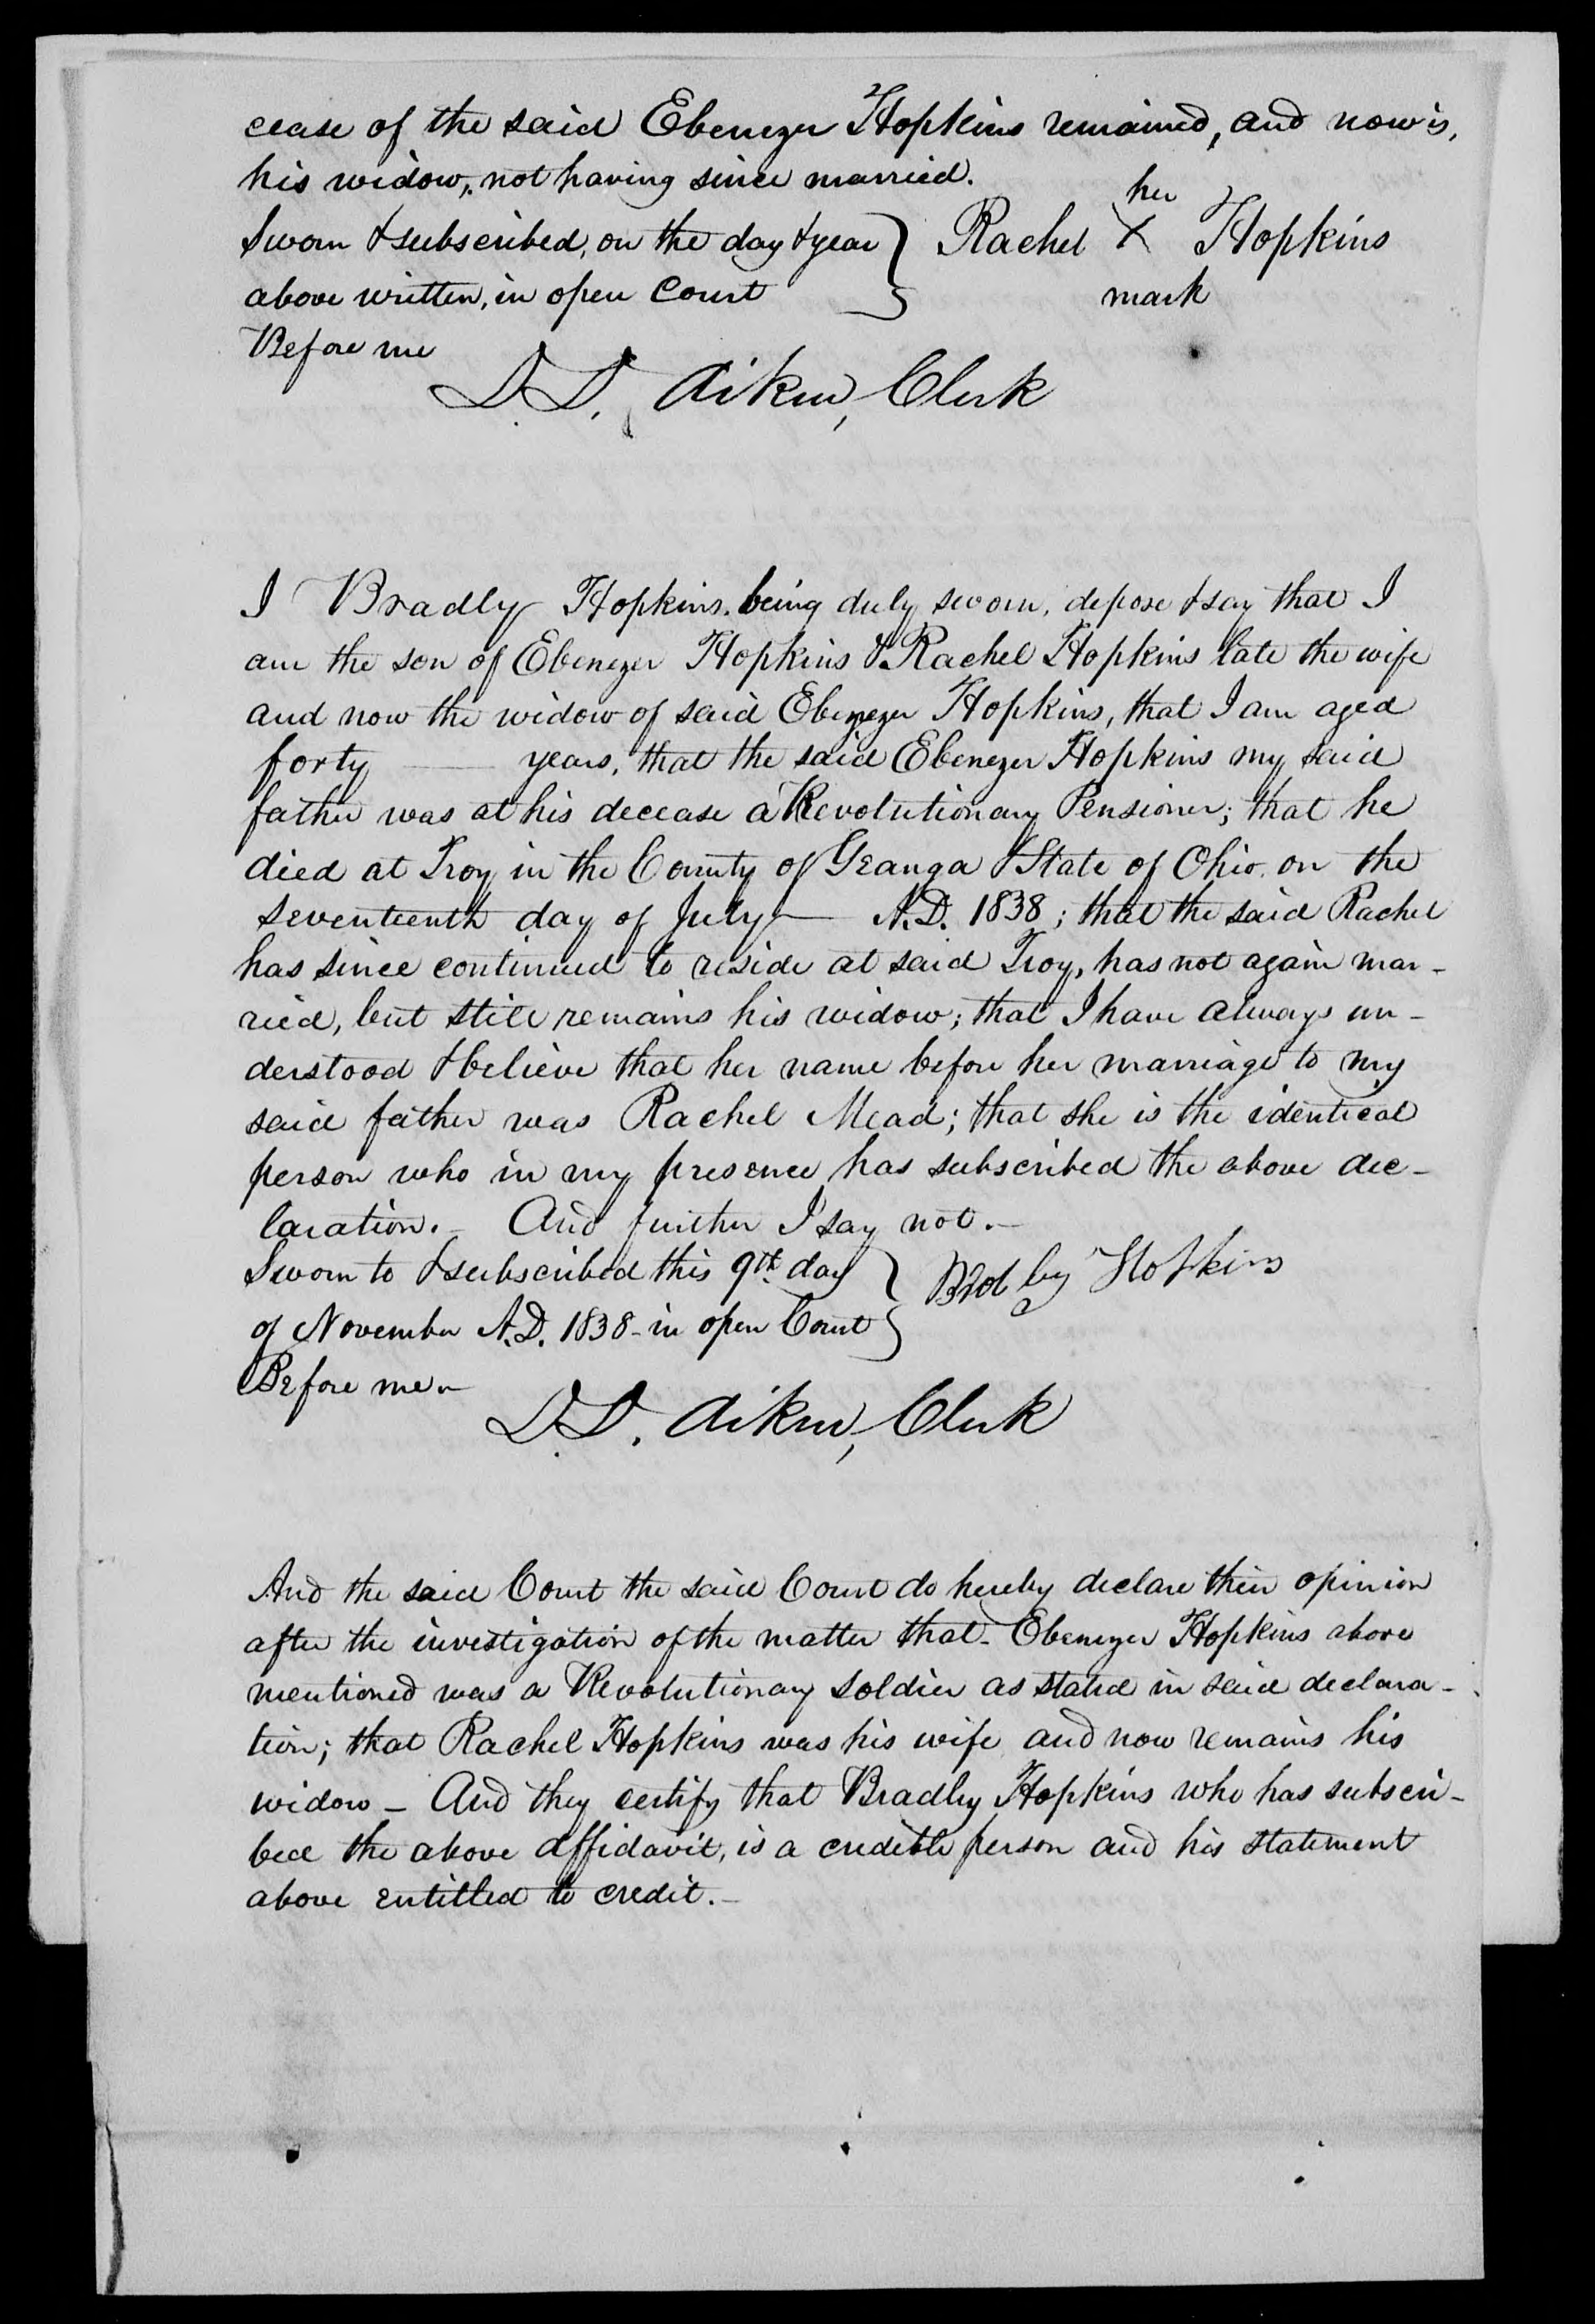cease of the said Ebenezer Hopkins remained, and now is his widow, not having since married.
Sworn & subscribed, on the day & year  Rachel her X mark Hopkins
above written, in open Court Before me
D.D. Aiken Clerk

I, Bradley Hopkins, being duly sworn, depose & say that I am the son of Ebenezer Hopkins & Rachel Hopkins late the wife and now the widow of said Ebenezer Hopkins, that I am aged years, that the said Ebenezer Hopkins my said father was at his decease a Revolutionary Pensioner; that he died at Troy in the County of Geauga & State of Ohio on the Seventeenth day of July A.D. 1838, that the said Rachel has since continued to reside at said Troy, has not again married, but still remains his widow; that I have always understood & believe that her name before her marriage to my said father was Rachel Mead, that she is the identical person who in my presence has subscribed the above declaration.  And further I say not.
Sworn to & subscribed this 9th day
of November A.D. 1838 in open Court ⎬   Bobby Hopkins
Before me
D. Aiken Clerk

And the said Court the said Court do hereby declare their opinion after the investigation of the matter that Ebenezer Hopkins above mentioned was a Revolutionary soldier as stated in said declaration, that Rachel Hopkins was his wife and now remains his widow. And they certify that Bradley Hopkins who has subscribed the above affidavit, is a credible person and his statement above entitled to credit.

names: Bradley Hopkins, Ebenezer Hopkins, Rachel Hopkins, D D Aiken, Rachel Mead, Bradly Hopkins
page: 76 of 144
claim: rejected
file: R. 5208, Dennis Hopkins, N.C.